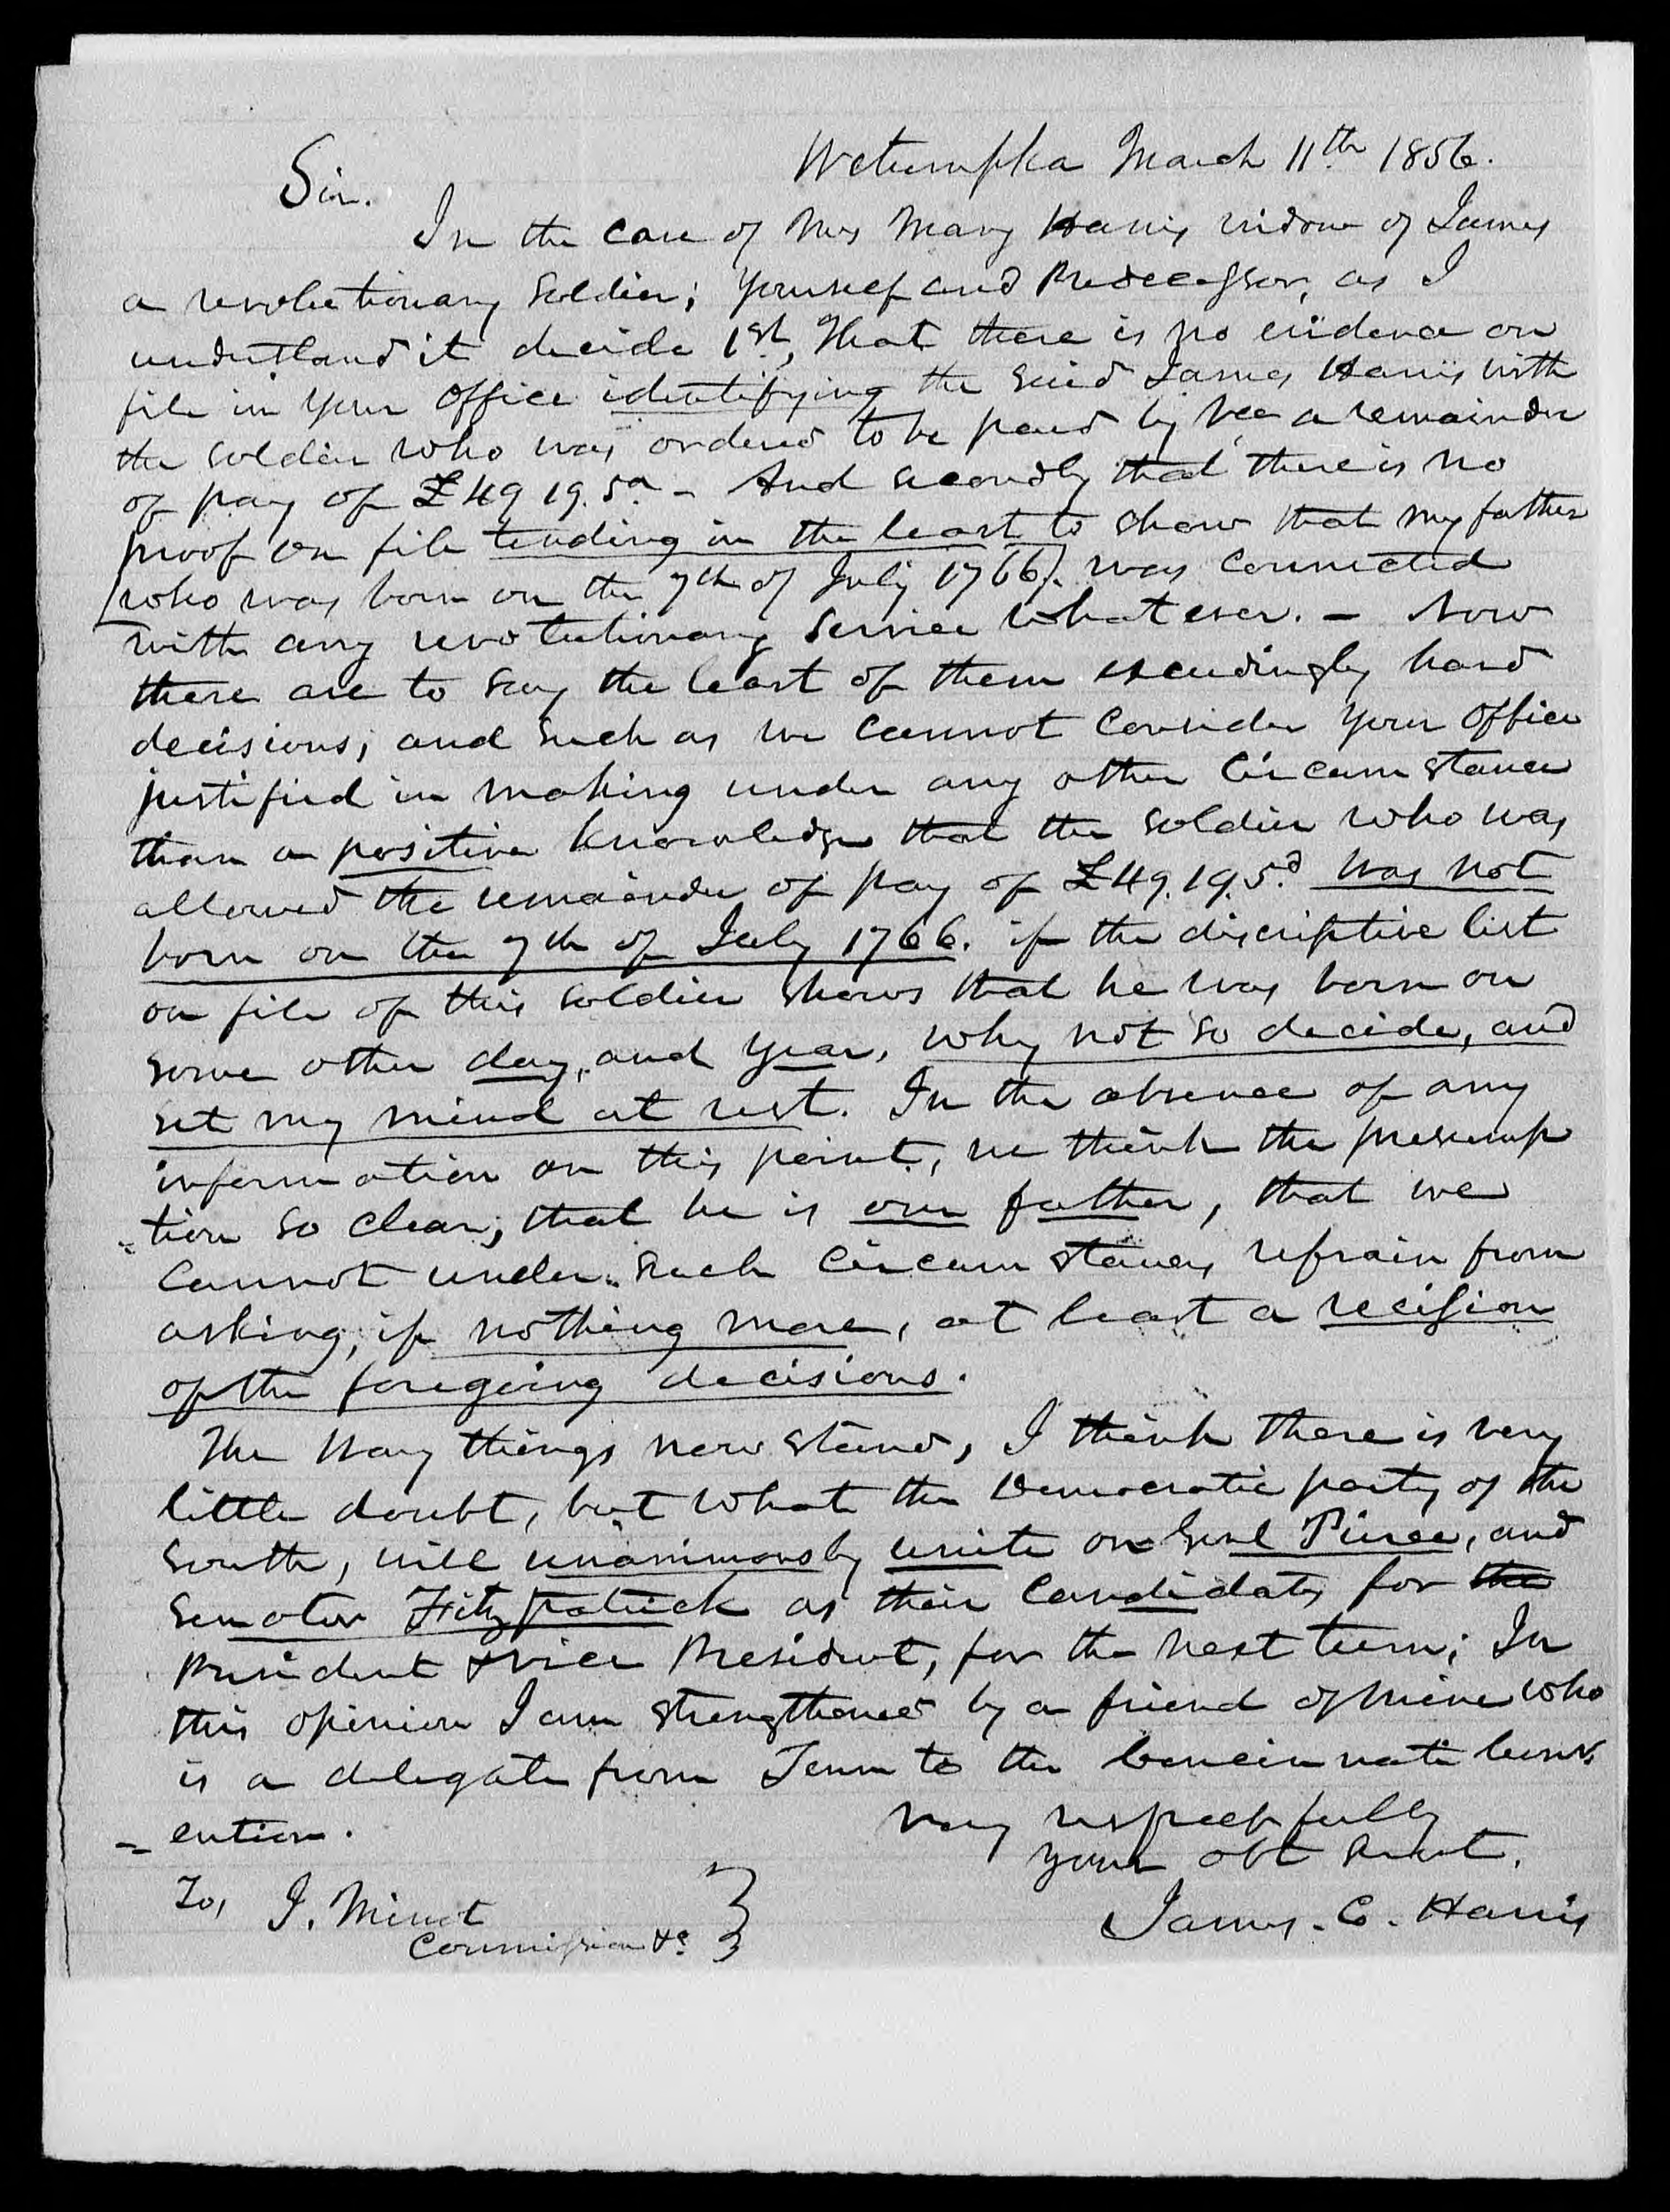Wetumpka March 11th 1856
Sir
In the case of Mrs Mary Harris widow of James, a revolutionary soldier, yourself and predecessor, as I understand it decide 1st that there is no evidence on file in your office identifying the said James Harris with the soldier who was ordered to be paid by Va. a remainder of pay of [pound sterling] 49.19.5d. And secondly that there is no proof on file tending in the least to show that my father (who was born on the 7th of July 1766) was connected with any revolutionary service whatever.  Now there are to say the least of them  exceedingly hard decisions, and such as we cannot consider your office justified in making under any other circumstances than a positive knowledge that the soldier who was allowed the remainder of pay of [pound sterling] 49.19.5d was not born on the 7th of July 1766, if the discriptive list on file of this soldier shows that he was born on some other day, and year, why not so decide, and set my mind at rest.  In the absence of any information on this point, we think the presumption so clear, that he is our father, that we cannot under such circumstances refrain from asking if nothing more, at least a recision of the foregoing decisions.
The way things now stand, I think there is very little doubt, but what the Democratic party of the South, will unanimously unite on Genl Pierce, and Senator Fitzpatrick as their candidate for president & vice president, for the next term.  In this opinion I am strengthened by a friend of mine who is a delegate from Tenn to the Democratic Convention.
Very Respectfully
Your obt Servt.
James C. Harris

To, J. Minot
Commission &c.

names: James C Harris, James Harris, Pierce, Fitzpatrick, Mary Harris, J Minot, James Harris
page: 46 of 160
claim: rejected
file: R. 4666, James Harris, Va.